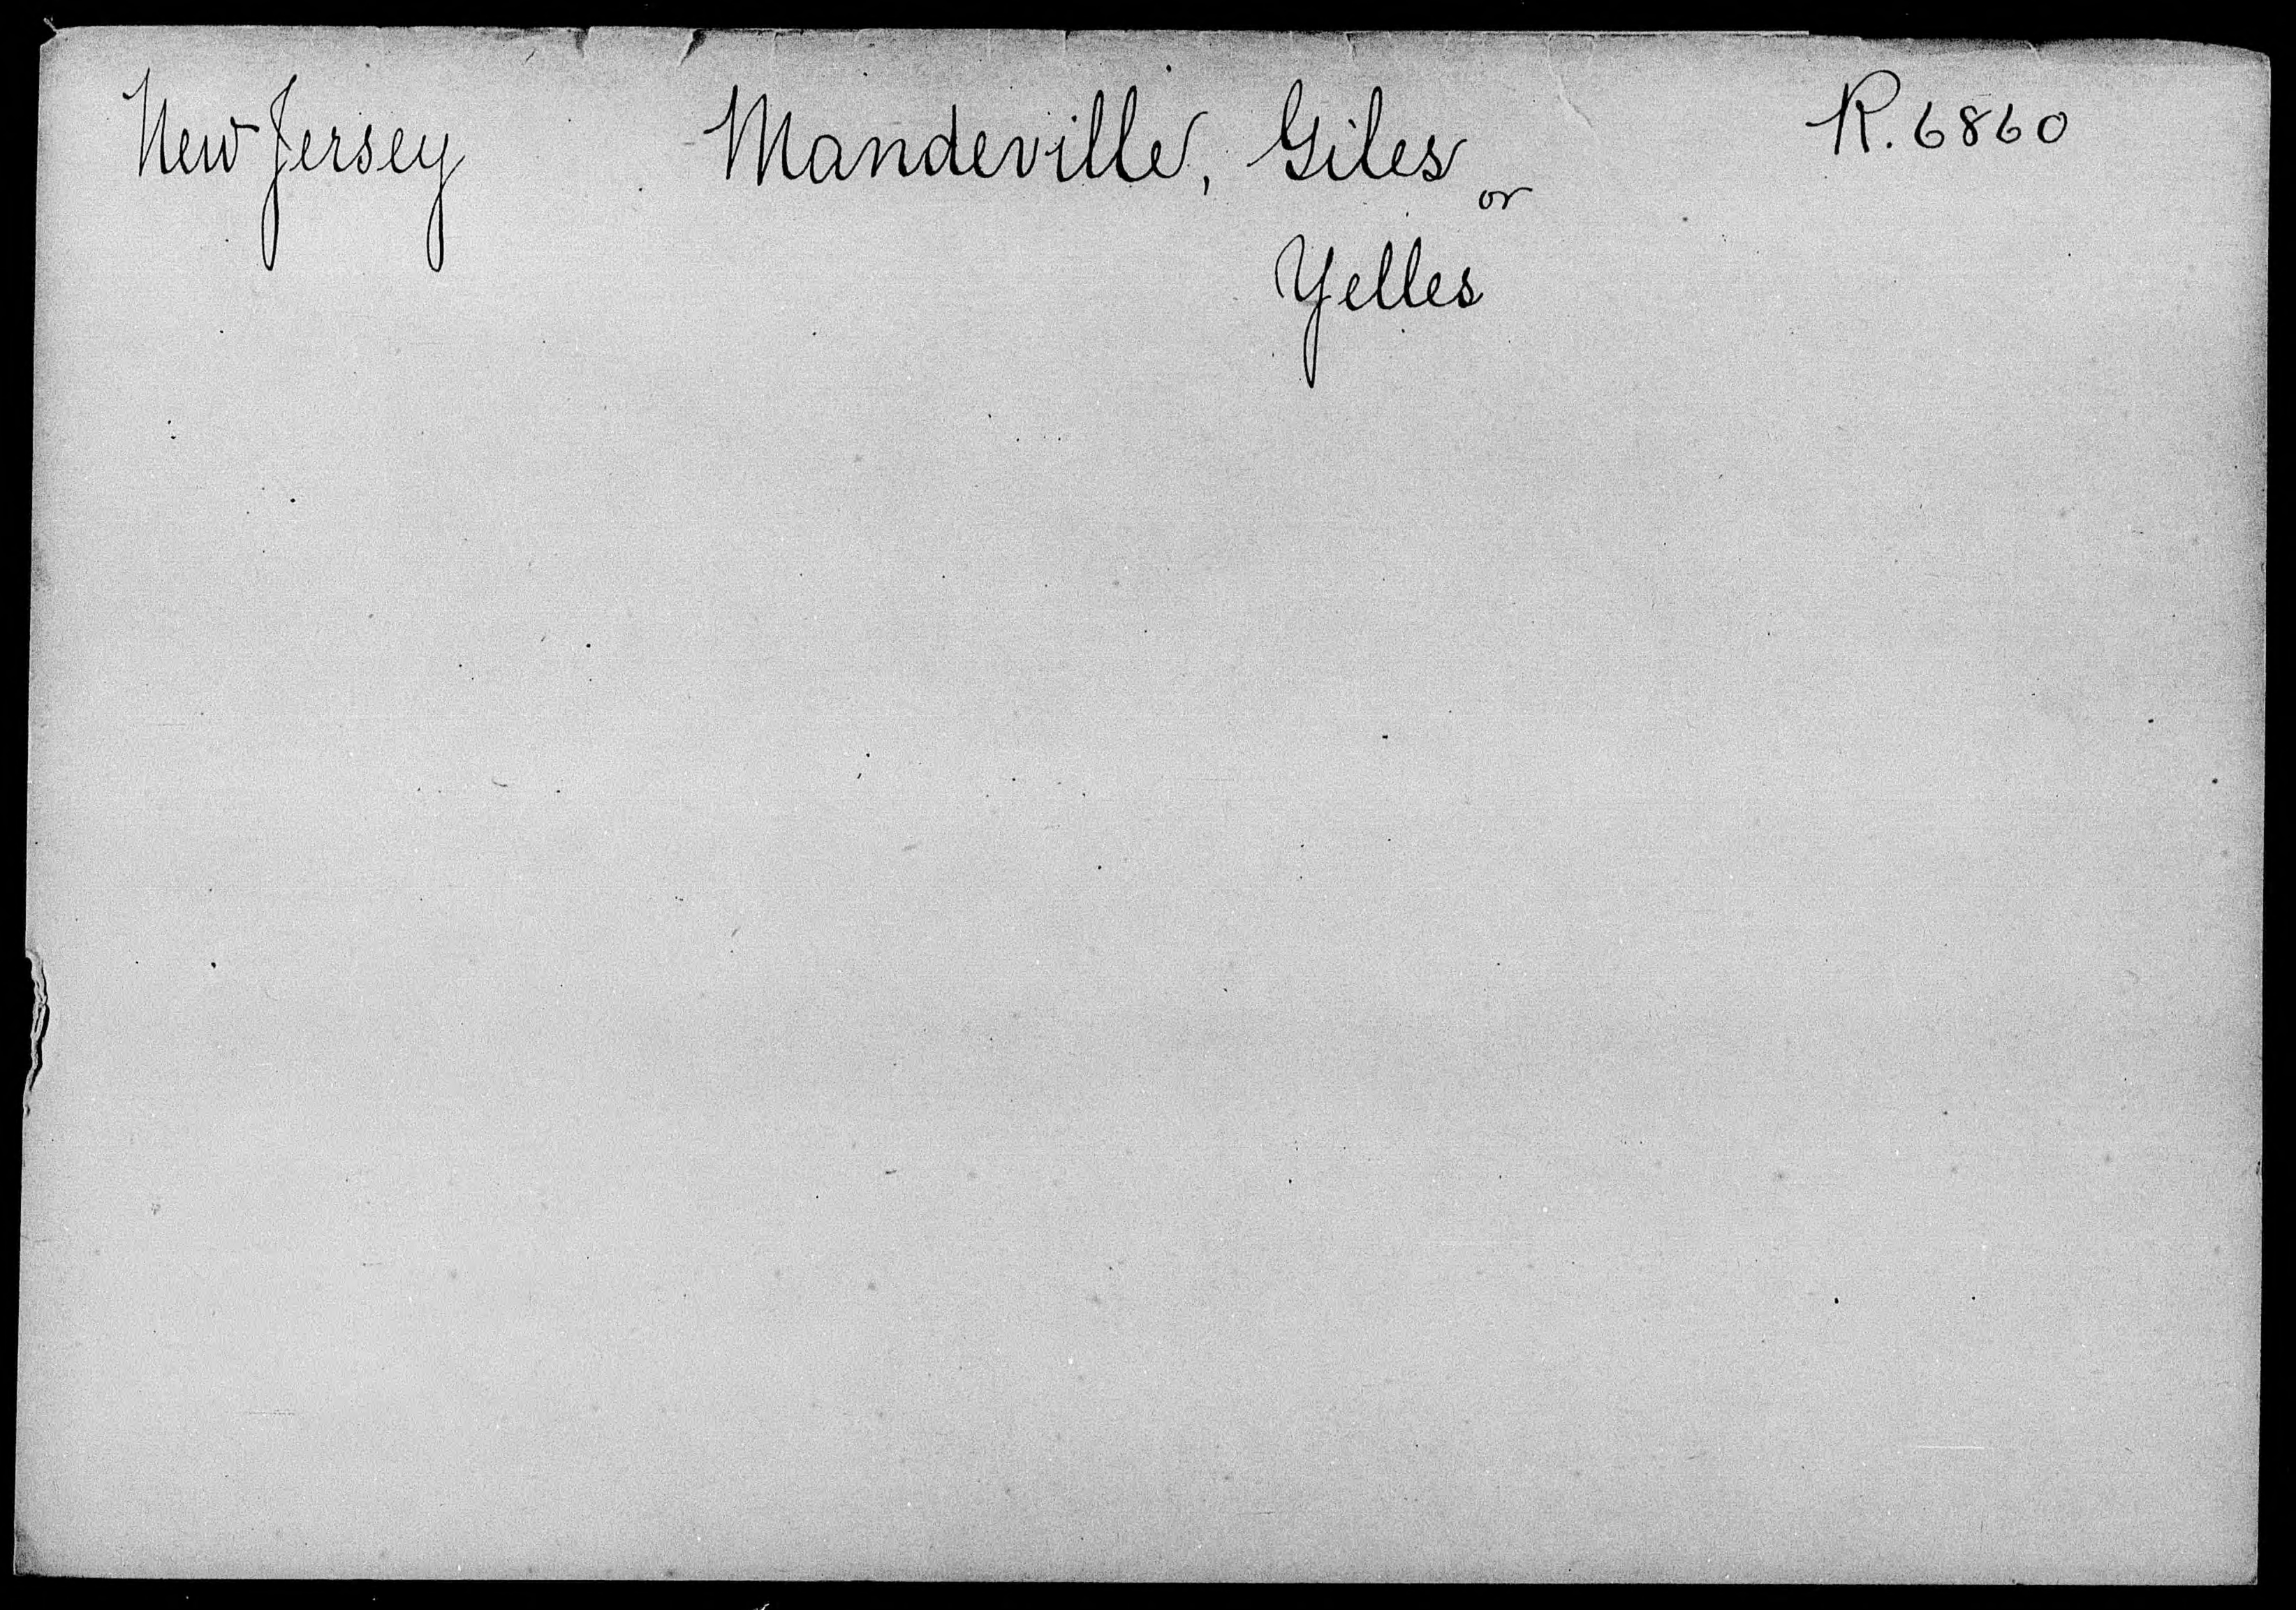New Jersey   Mandeville, Giles  R.6860
or
Yelles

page: 1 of 1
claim: rejected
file: R. 6860, for Giles Mandeville, New Jersey